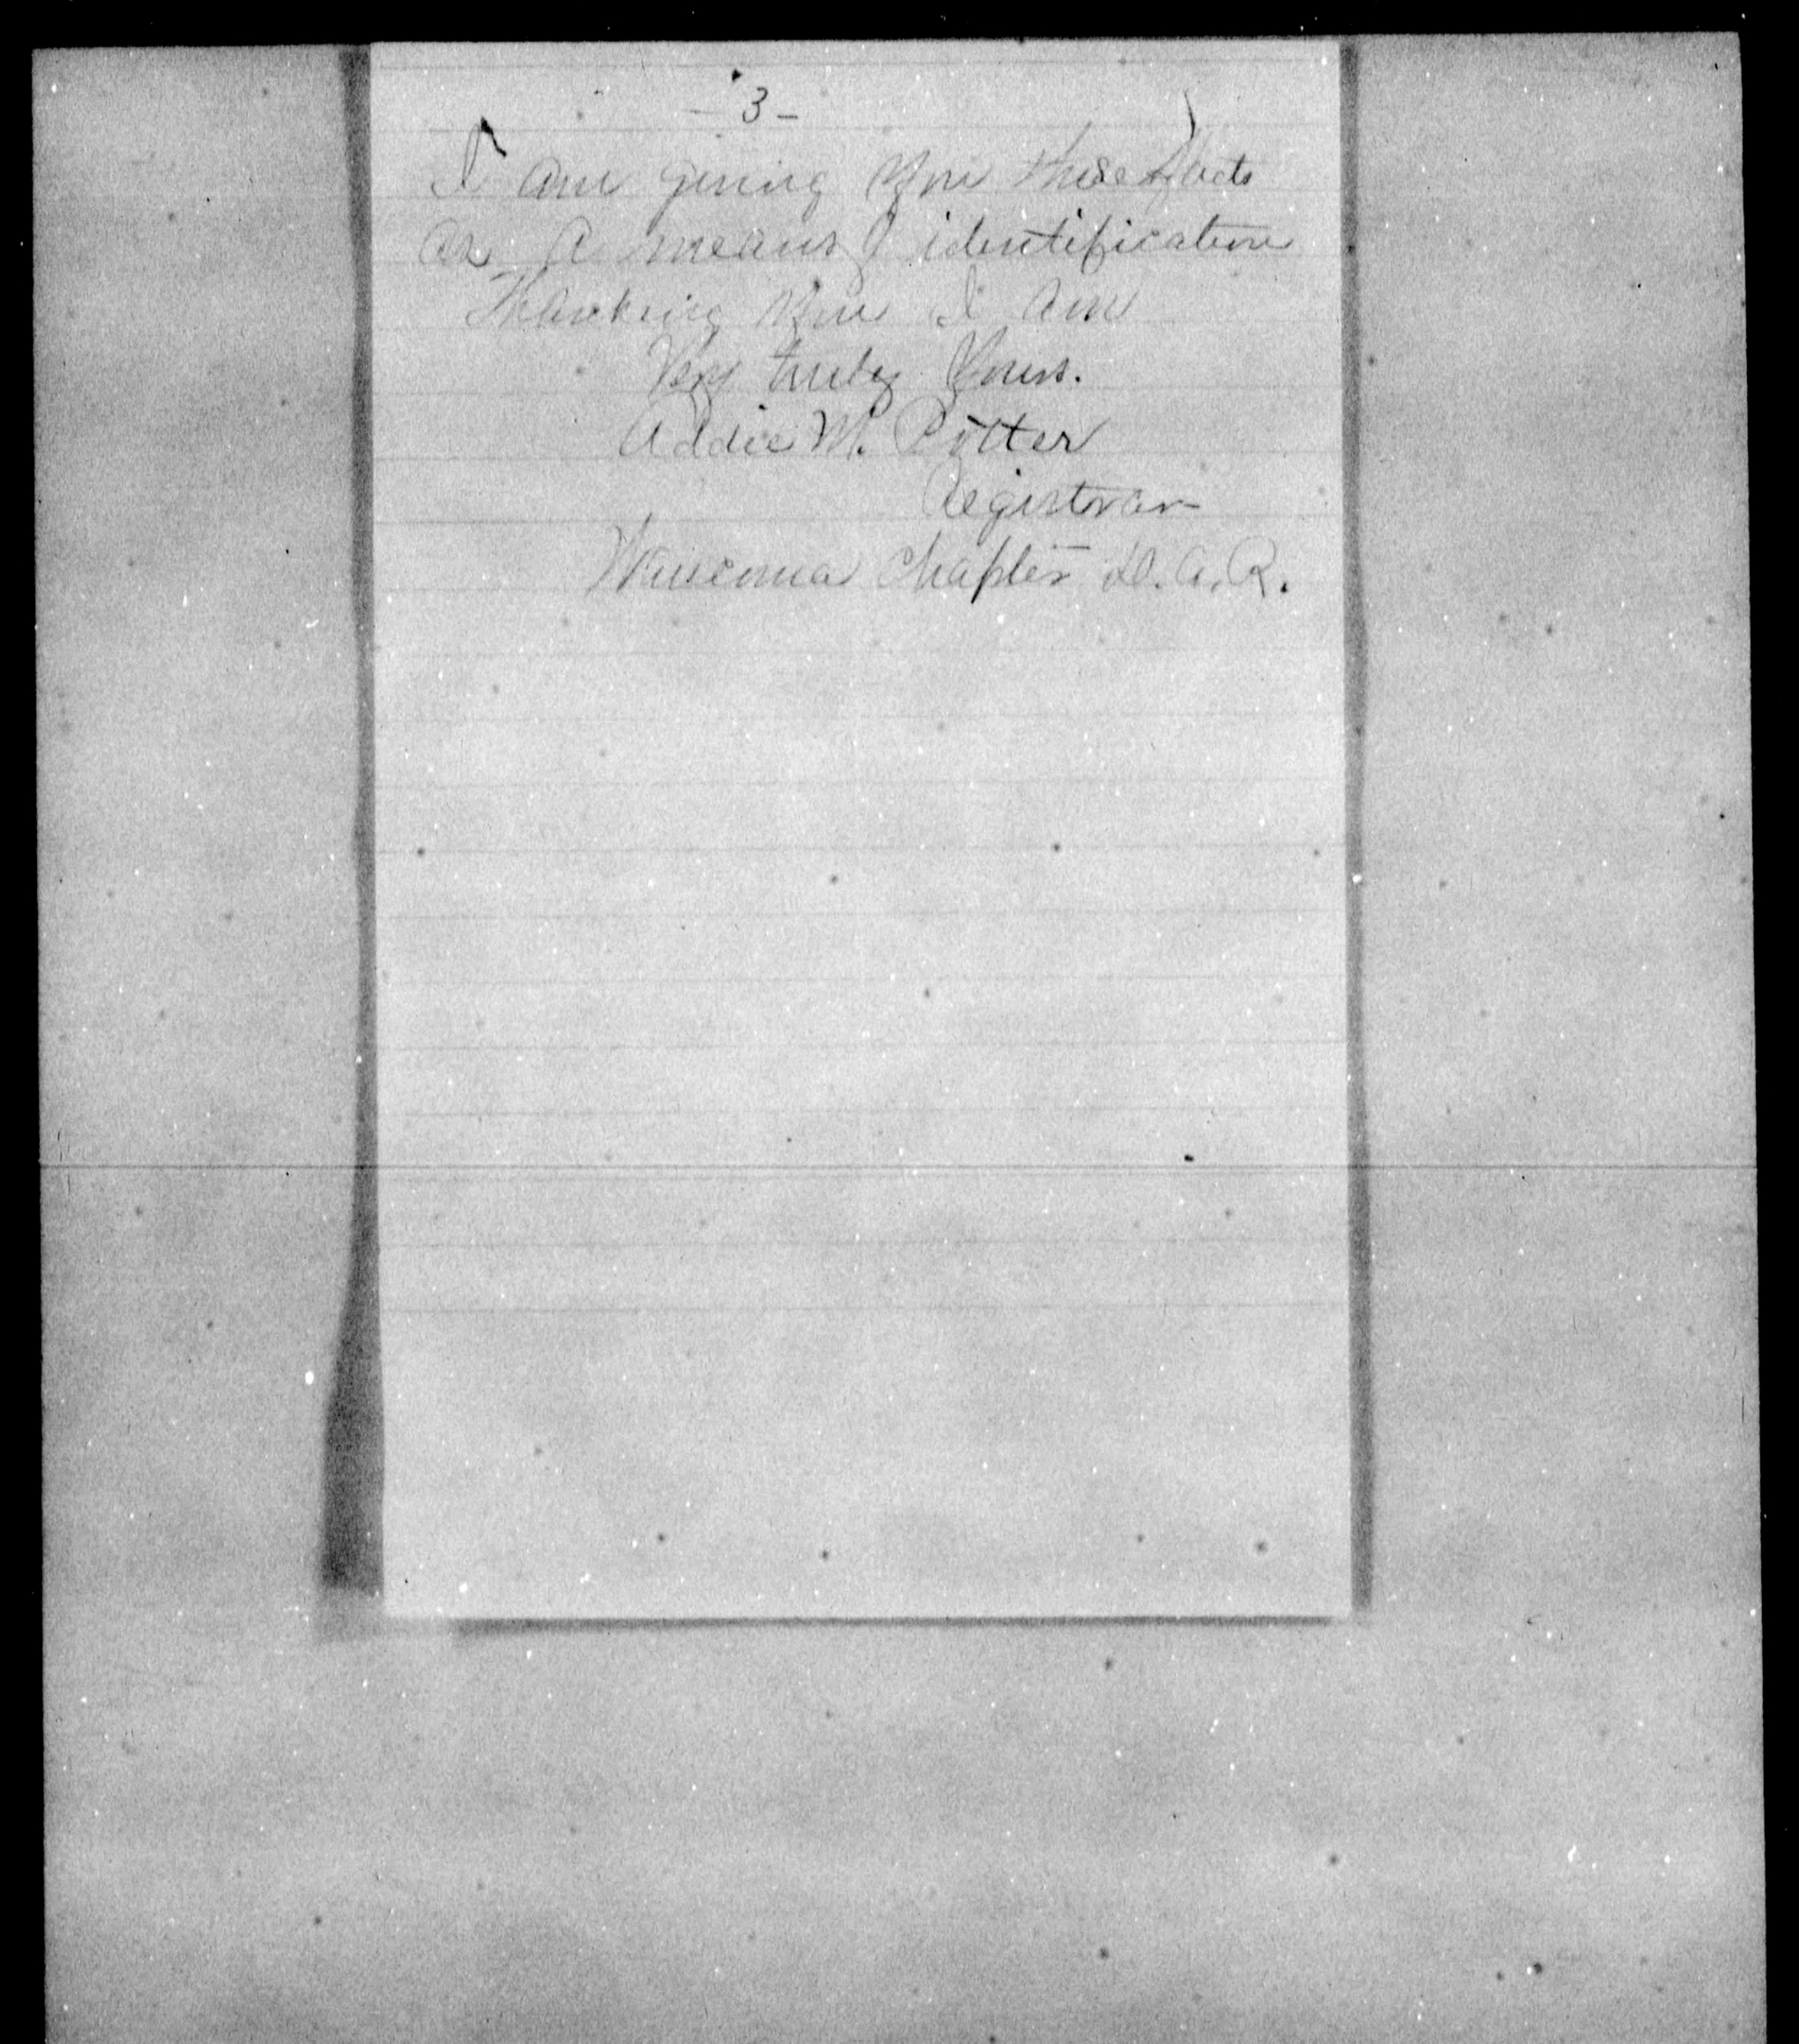-3-

I am giving you these facts 
as a means of identification

Thanking you I am
Very truly Yours.

Addie M. Potter
Registrar
Waucoma Chapter D.A.R.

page: 34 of 59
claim: bounty land warrant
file: B.L.Wt. 2359-500, for Owen Roberts, South Carolina